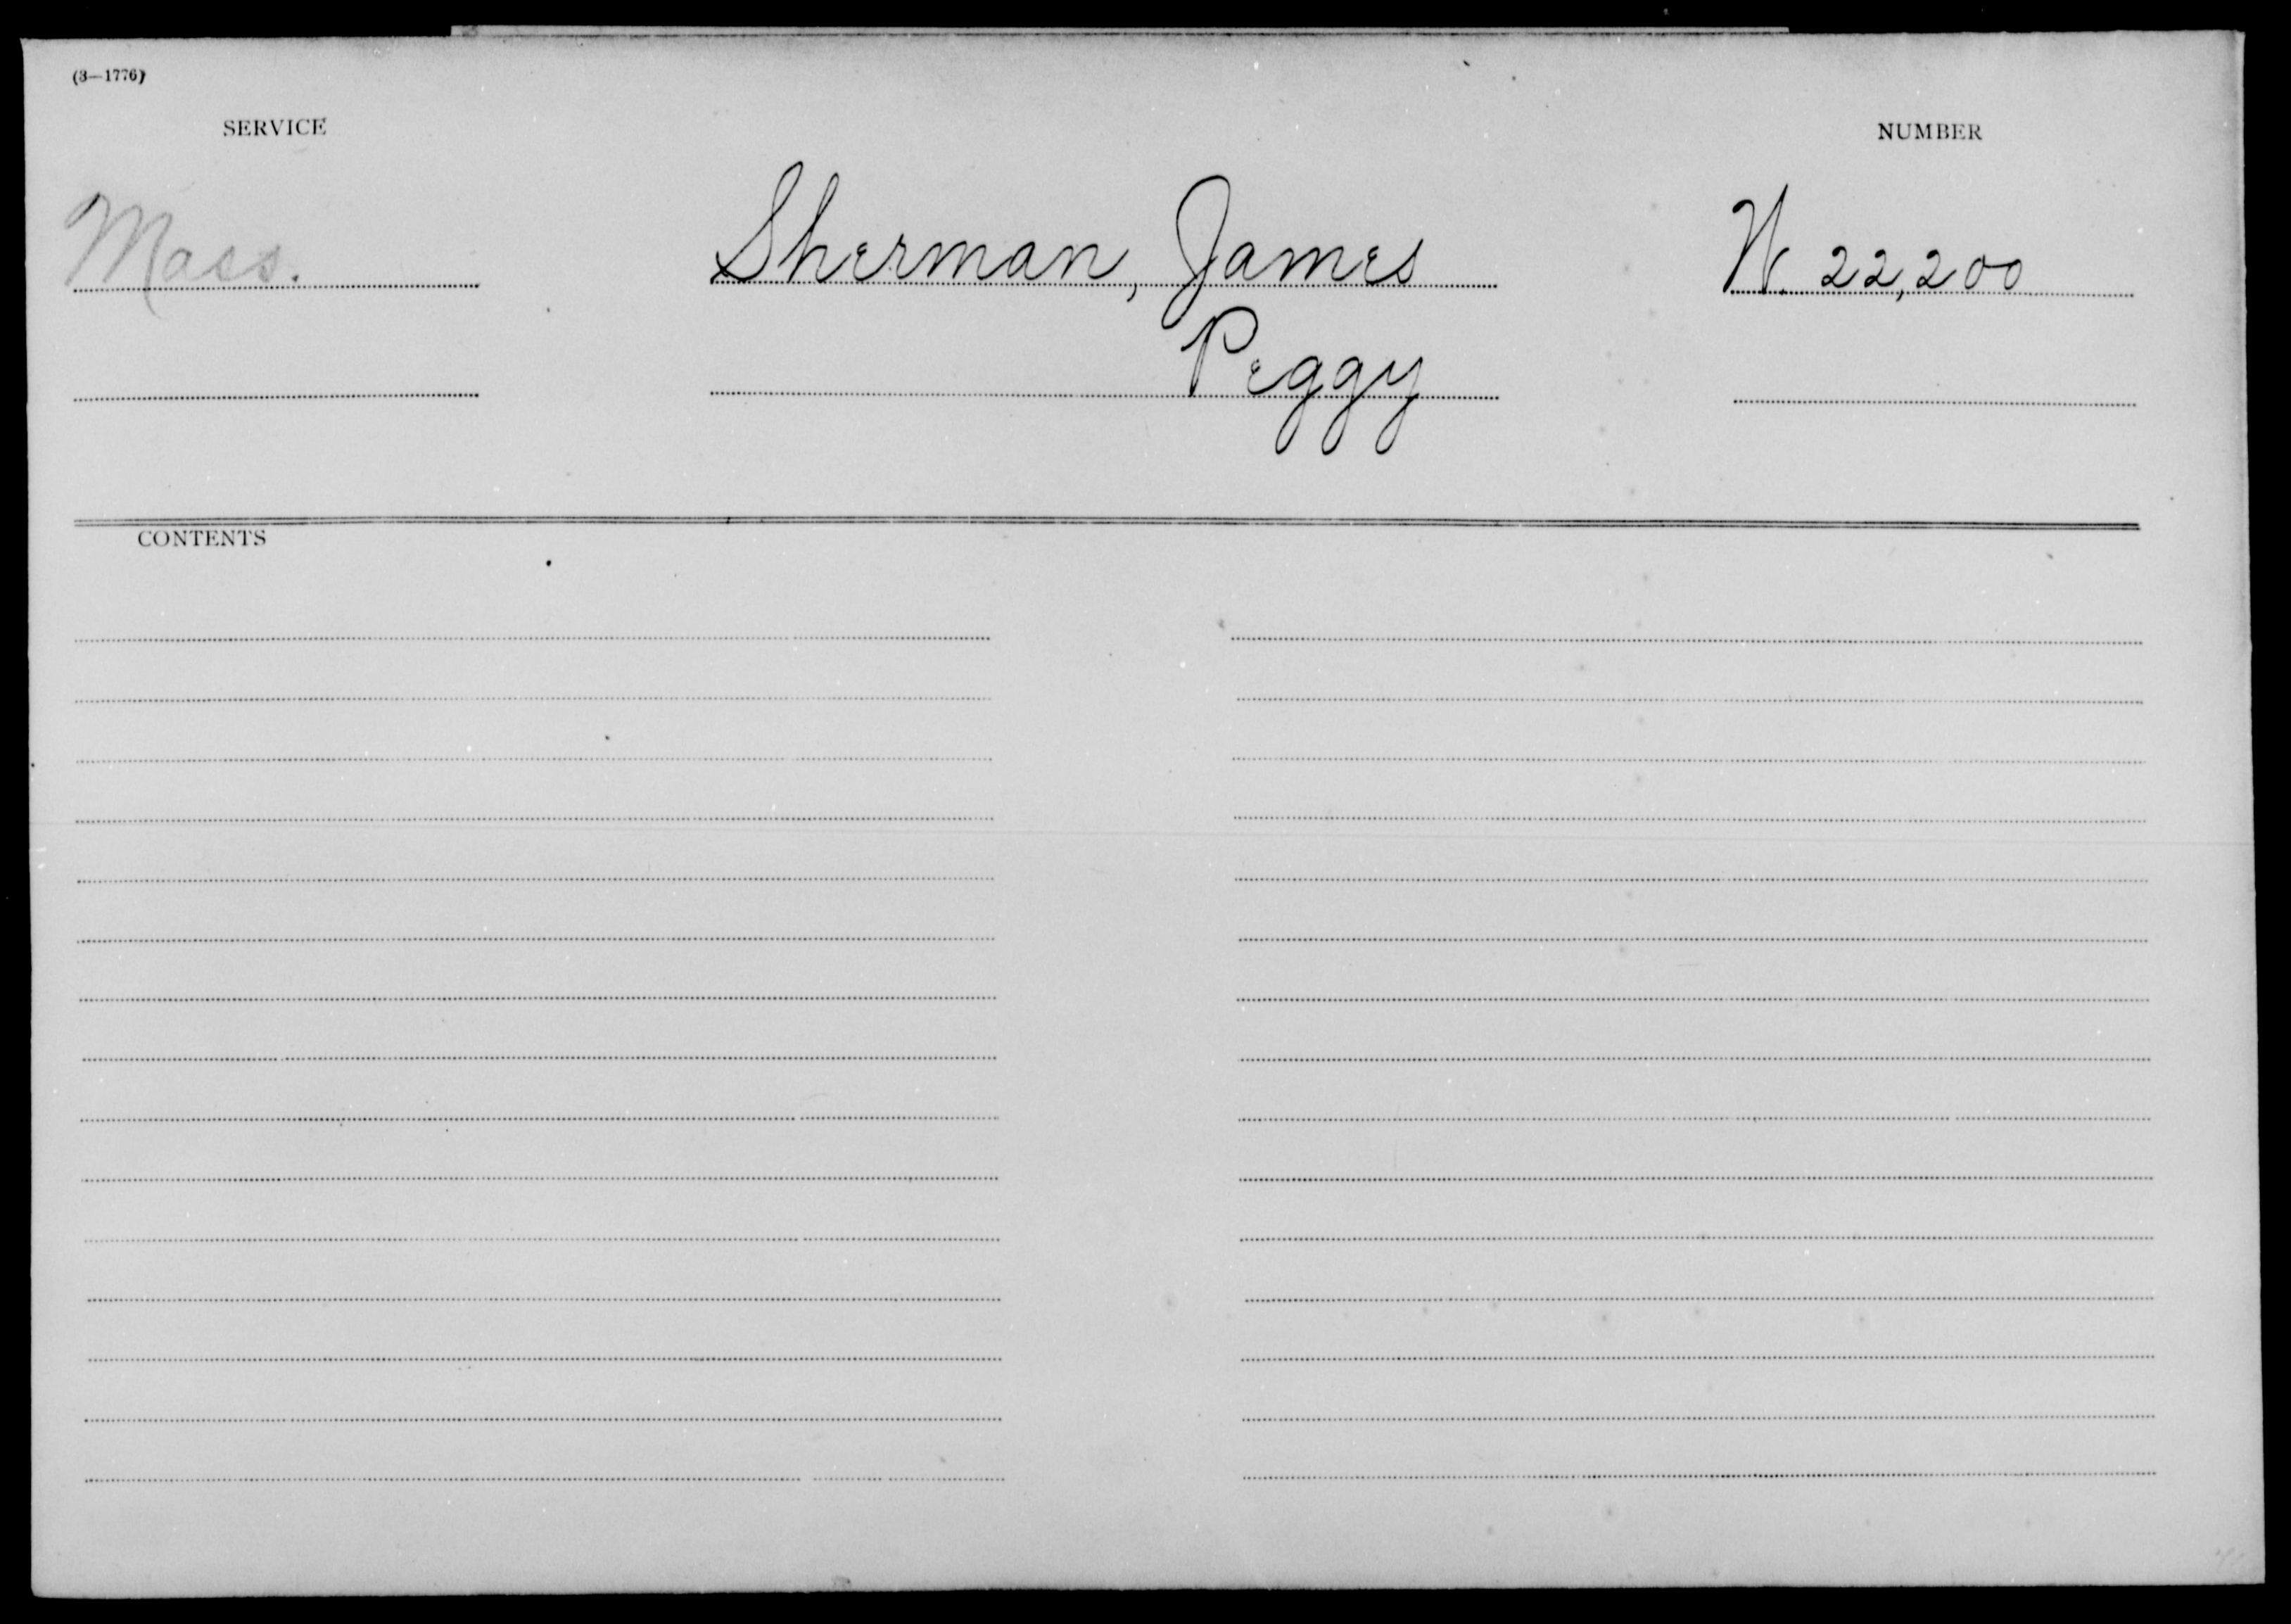[doc is printed & written]

(3-1776)
SERVICE           NUMBER
Mass.   Sherman, James     W.22,200
---     Peggy ---
[double underline]
CONTENTS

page: 1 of 20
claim: widow's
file: W. 22,200, for James Sherman, Massachusetts